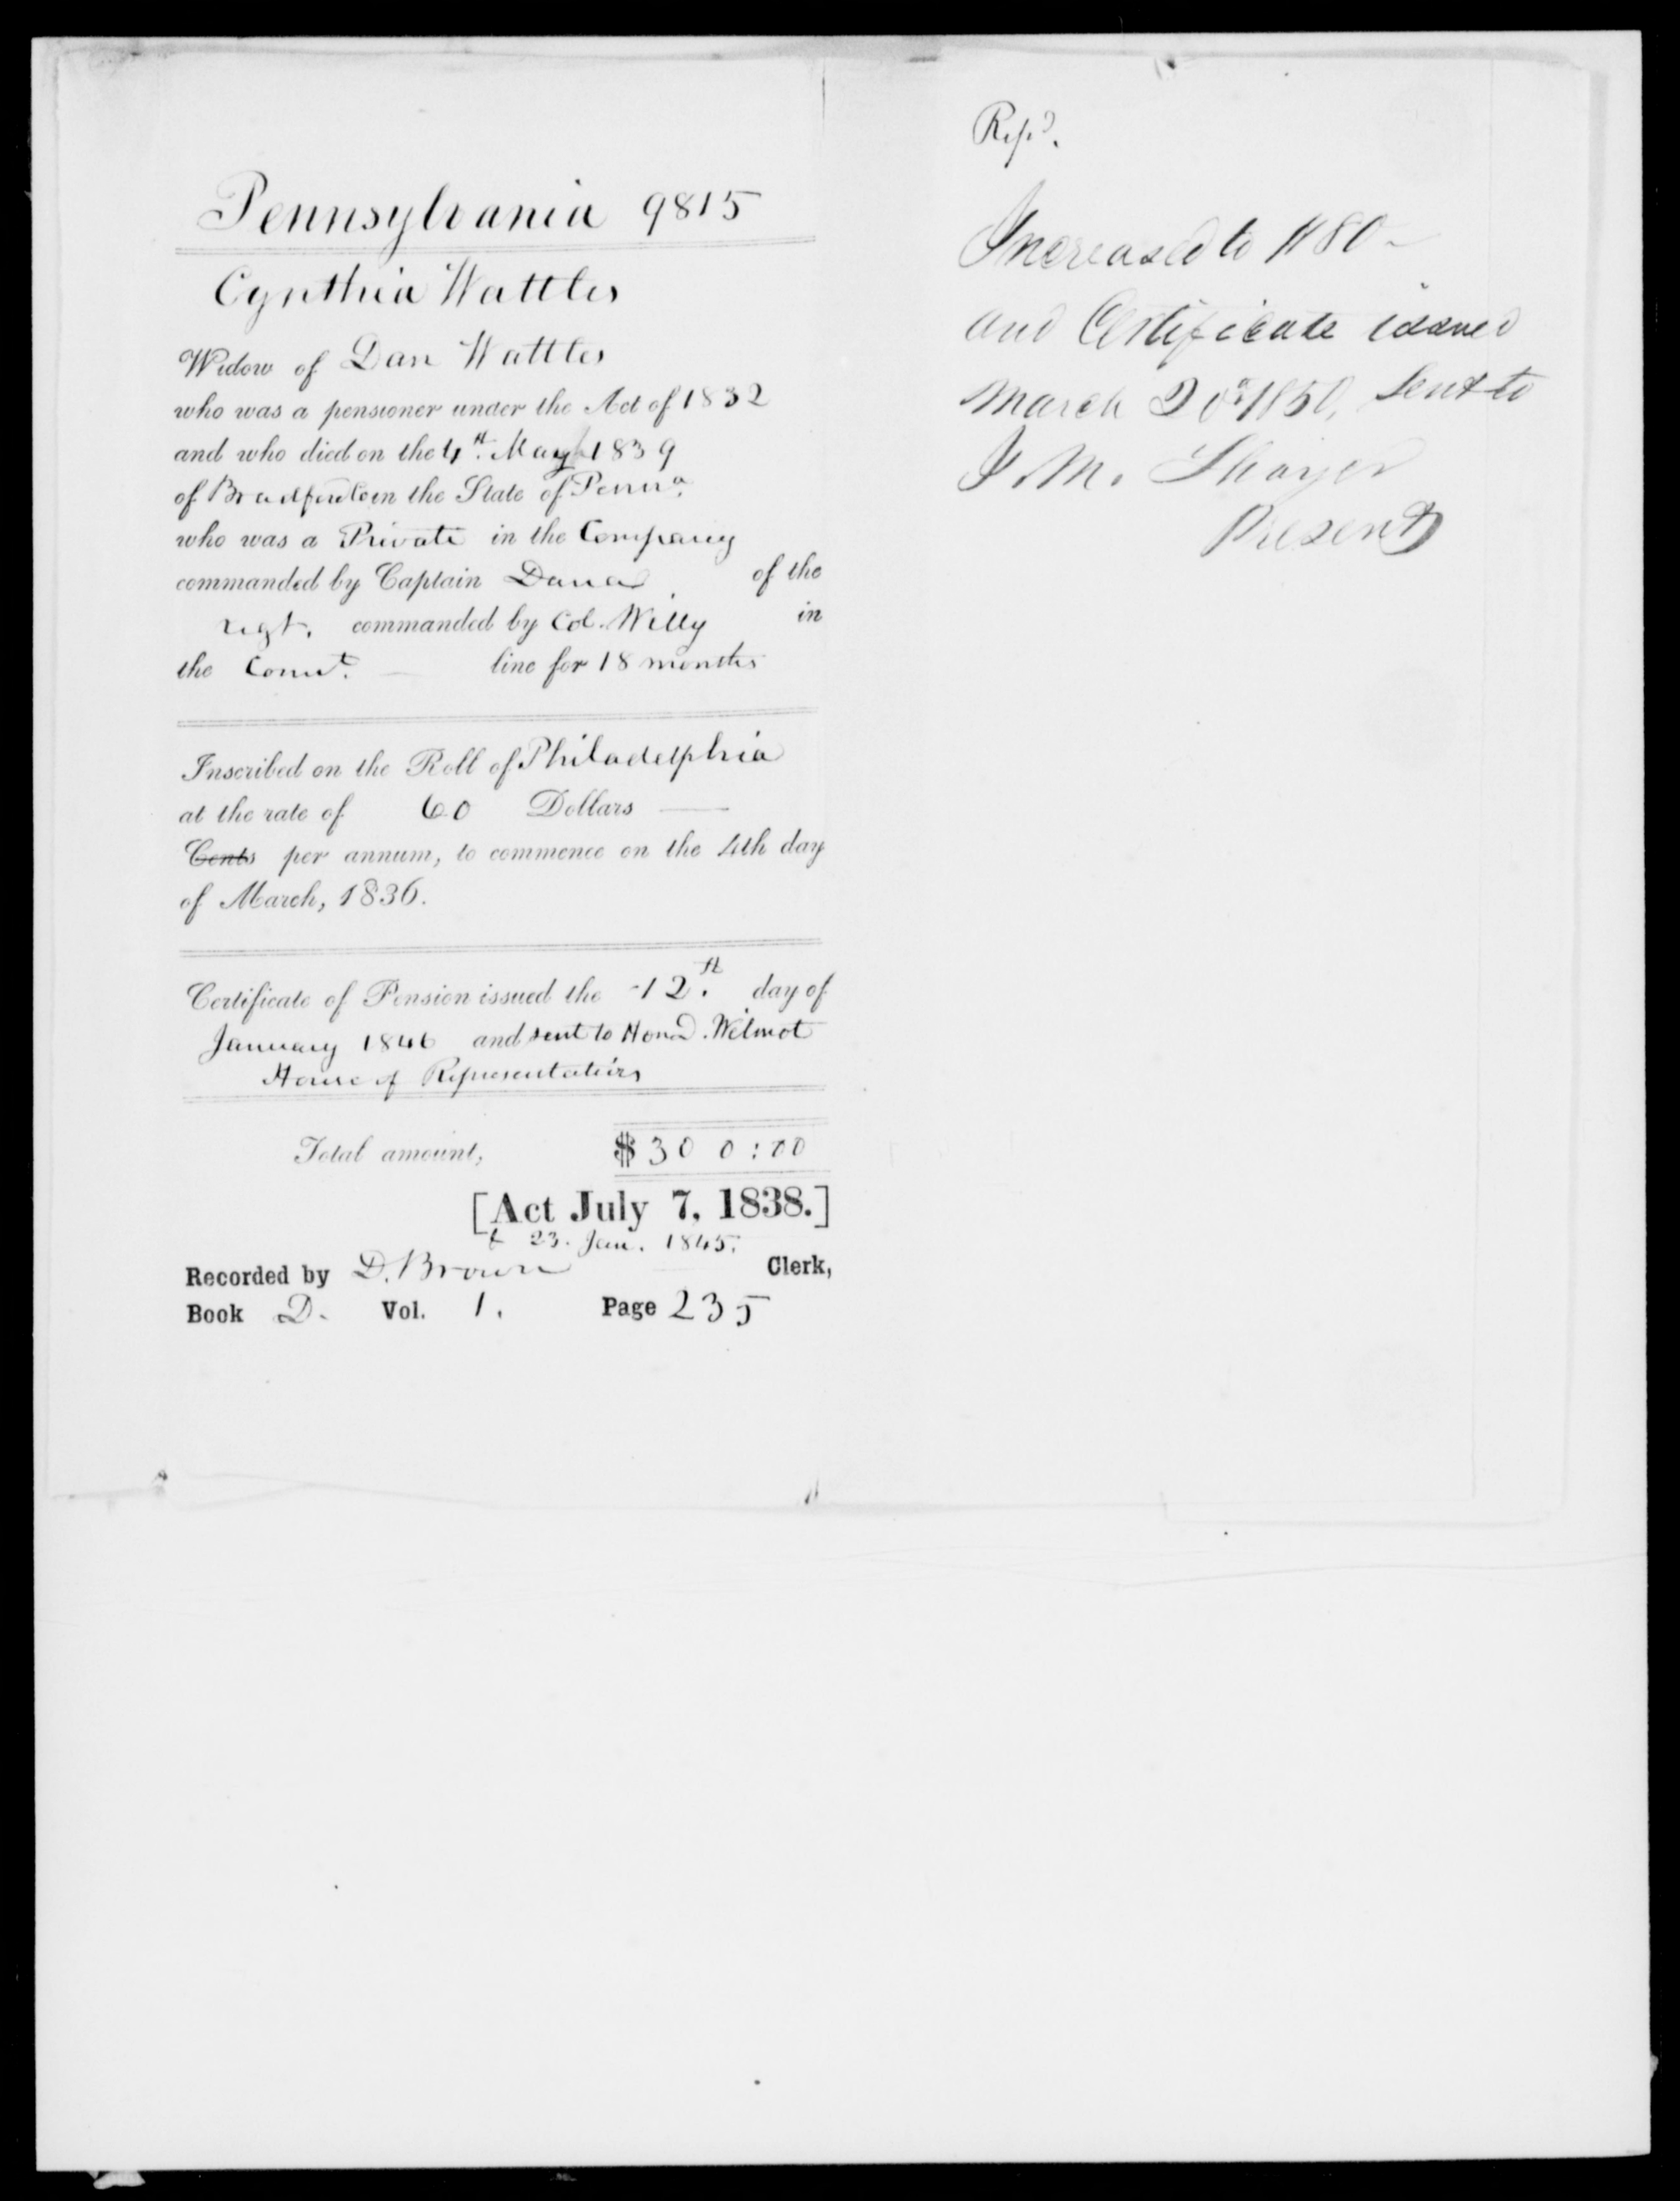Pennsylvania  9815
--------------------------------------
Cynthia Wattles
Widow of Dan Wattles
who was a pensioner under the Act 1832
and who died on the 4th May 1839 
of Bradford in the State Penna 
who was a Private in the Company
commanded by Captain Dana of the 
regt. commanded by Col. Willy in
the Connt. line for 18 months
------------------------------------------
Inscribed on the Roll of Philadelphia
at the rate of 60 Dollars   _________
Cents per annum, to commence on the 4th day of March, 1836.
-----------------------------------------
Certificate of Pension issued the 12th day of 
January1840 and sent to Hon. Wilmot, 
House of Representatives
-------------------------------------------
Total amount,                     $300:00

[Act July 7, 1838.}
& 23 Jun. 1845.

Recorded by D. Brown      Clerk
Book  D.     Vol.   1.        Page 235

Repd.
Increased to $80
and certificate issued
March 20th 1850.  Sent of 
J. M. Thayer
Present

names: J M Thayer, D Brown, Dana, D Wilmot, Cynthia Wattles, Willy, Dan Wattles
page: 25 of 70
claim: widow's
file: W. 3743, Dan Wattles, Conn.